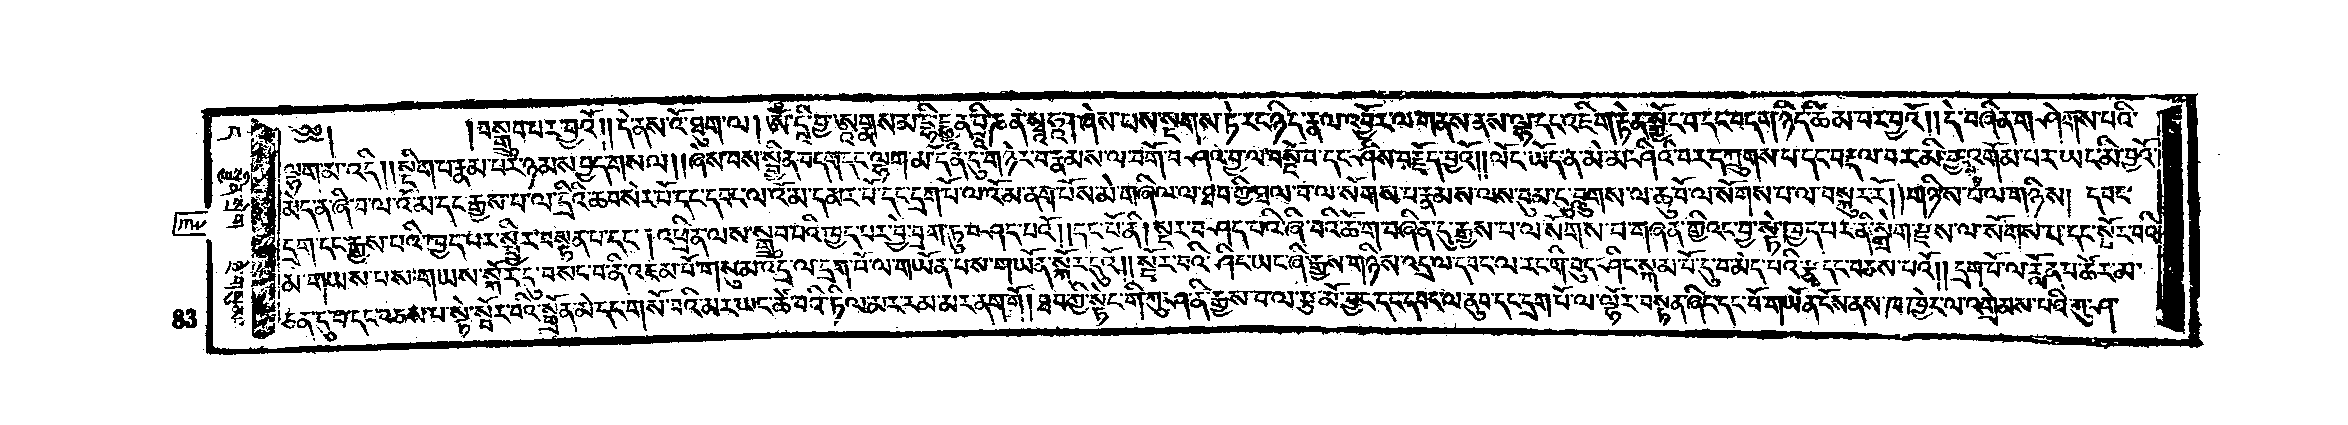༄༅། །བསྒྲུབ་པར་བྱའོ། །དེ་ནས་འོ་ཐུག་ལ། ཨོཾ་དཱི་བྱ་ཨཱགནས་མ་དྷི་དྷྱཱན་པྲཱི་ཎ་ན་སྭཱ་ཧཱ། ཞེས་པས་སྔགས་ཏེ་རང་ཉིད་རྣལ་འབྱོར་ལ་གནས་ནས་ལྷ་དང་འཇིག་རྟེན་སྐྱོང་བ་དང་བདག་ཉིད་ཚིམ་པར་བྱའོ། །དེ་བཞིན་གཤེགས་པའི་
ལྷག་མ་འདི། །སྡིག་པ་རྣམ་པར་ཉམས་བྱེད་གསལ། །ཞེས་པས་སྦྱིན་བདག་དང་ལྷག་མ་དོན་དུ་གཉེར་བ་རྣམས་ལ་བགོ་བཤའི་བྱ་ལ་བསྔོ་བ་དང་ཤིས་བརྗོད་བྱའོ། །ལོང་ཡོད་ན་མེ་མ་ཤིའི་བར་དཀྲུགས་པ་དང་བརྡལ་བར་མི་བྱས་འགོམ་པར་ཡང་མི་བྱའོ་
མེད་ན་ཞི་བ་ལ་འོ་མ་དང་རྒྱས་པ་ལ་དྲིའི་ཆབ་སེར་པོ་དང་དབང་ལ་འོ་མ་དམར་པོ་དང་དྲག་པོ་ལ་འོ་མ་ནག་པོས་མེ་གཞིལ་ལ་ཐབ་ཀྱི་ཐལ་བ་ལ་སོགས་པ་རྣམས་ལས་བུམ་དུ་བླུགས་ལ་ཆུ་བོ་ལ་སོགས་པ་ལ་བསྐུར་རོ། །གཉིས་པ་ལ་གཉིས། དབང་
དྲག་དང་རྒྱས་པའི་ཁྱད་པར་སྤྱིར་བསྟན་པ་དང་། འཕྲིན་ལས་སྒྲུབ་པའི་ཁྱད་པར་བྱེ་བྲག་ཏུ་བཤད་པའོ། །དང་པོ་ནི། སྔར་བཤད་པའི་ཞི་བའི་ཆོ་ག་བཞིན་དུ་རྒྱས་པ་ལ་སོགས་པ་གཞན་གྱིའང་བྱ་སྟེ་ཁྱད་པར་ནི་སྒྲེག་རྫས་ལ་སོགས་པ་དང་སྤོར་བའི་
མ་གཡས་པས་གཡས་སྐོར་དུ་བསང་བ་ནི་འཇམ་པོ་གསུམ་འདྲ་ལ་དྲག་པོ་ལ་གཡོན་པས་གཡོན་སྐོར་དུའོ། །སྔོར་བའི་ཤིང་ཡང་ཞི་རྒྱས་གཉིས་འདྲ་ལ་དབང་ལ་རང་གི་བུད་ཤིང་སྐམ་པོ་དུ་བ་མེད་པའི་རྩྭ་དང་བཅས་པའོ། །དྲག་པོ་ལ་རློན་པ་ཚེར་མ་
ཅན་དུ་བ་དང་བཅས་པ་སྟེ་སྦོར་བའི་སྒྲོན་མེ་དང་གསོ་བའི་མར་ཡང་ཚེ་བའི་ཏིལ་མར་རམ་མར་ནག་གོ །ཐབ་ཀྱི་སྟེང་གི་ཀུ་ཤ་ནི་རྒྱས་བ་ལ་རྩ་མོ་བྱང་དང་དབང་ལ་ནུབ་དང་དྲག་པོ་ལ་ལྷོར་བསྟན་ཞིང་དང་པོ་གཡོན་ངོས་ནས་ཁ་ཁྱེར་ལ་འགྲེམས་པའི་ཀུ་ཤ་